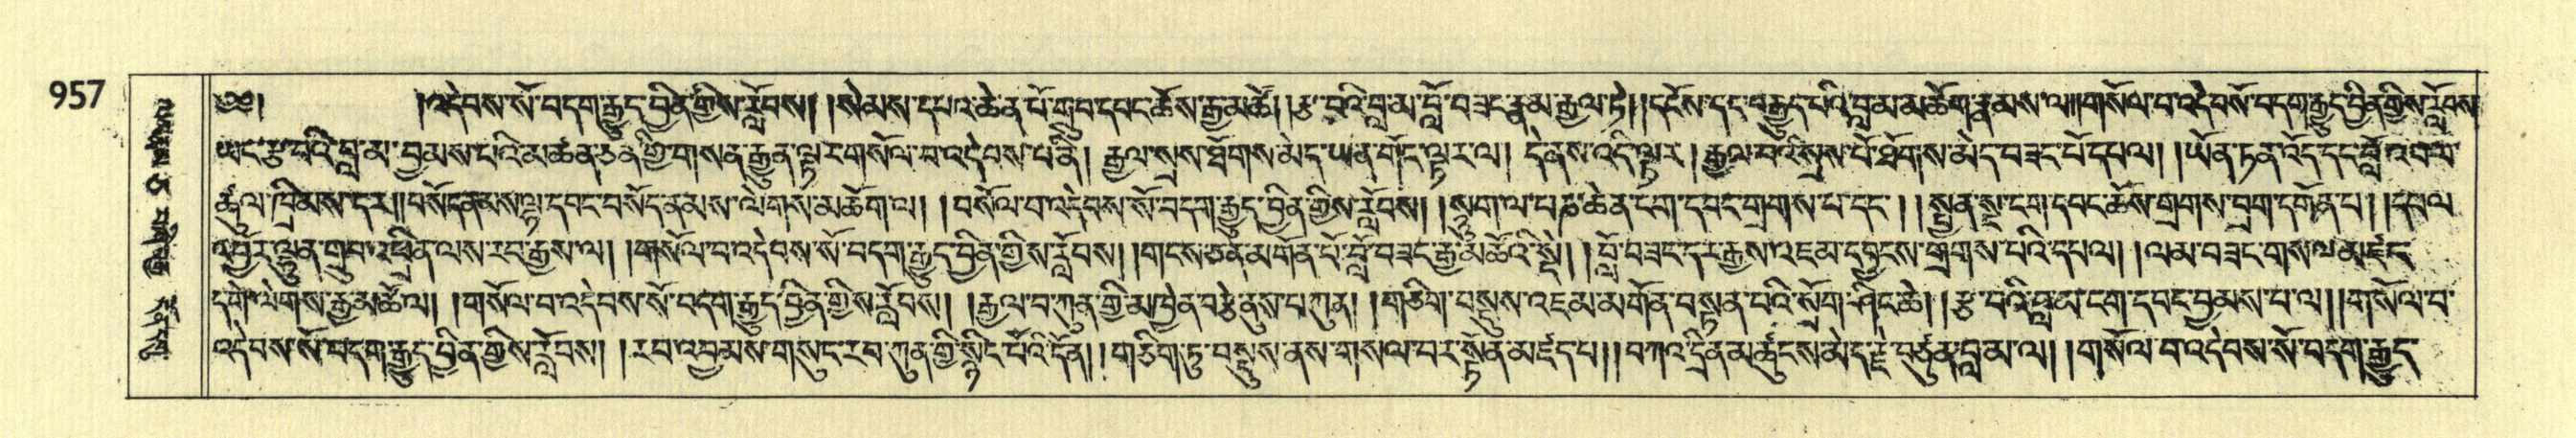༄༅། །འདེབས་སོ་བདག་རྒྱུད་བྱིན་གྱིས་རློབས། །སེམས་དཔའ་ཆེན་པོ་གྲུབ་དབང་ཆོས་རྒྱ་མཚོ། །རྩ་བའི་བླ་མ་བློ་བཟང་རྣམ་རྒྱལ་ཏེ། །དངོས་དང་བརྒྱུད་པའི་བླ་མ་མཆོག་རྣམས་ལ། །གསོལ་བ་འདེབ་སོ་བདག་རྒྱུད་བྱིན་གྱིས་རློབས་
ཡང་རྩ་བའི་བླ་མ་བྱམས་པའི་མཚན་ཅན་གྱི་གསན་རྒྱུན་ལྟར་གསོལ་བ་འདེབས་པ་ནི། རྒྱལ་སྲས་ཐོགས་མེད་ཡན་གོང་ལྟར་ལ། དེ་ནས་འདི་ལྟར། རྒྱལ་བའི་སྲས་པོ་ཐོགས་མེད་བཟང་པོ་དཔལ། །ཡོན་ཏན་འོད་དང་བློ་འབལ་
ཚུལ་ཁྲིམས་དར། །བསོད་ནམས་ལྷ་དབང་བསོད་ནམས་ལེགས་མཆོག་ལ། །བསོལ་བ་འདེབས་སོ་བདག་རྒྱུད་བྱིན་གྱིས་རློབས། །སྙུག་ལ་པཎ་ཆེན་ངག་དབང་གྲགས་པ་དང་། །སྤྱན་སྔ་ངག་དབང་ཆོས་གྲགས་བྲག་དགོན་པ། །དཔལ་
འབྱོར་ལྷུན་གྲུབ་འཕྲིན་ལས་རབ་རྒྱས་ལ། །གསོལ་བ་འདེབས་སོ་བདག་རྒྱུད་བྱིན་གྱིས་རློབས། །གངས་ཅན་མགོན་པོ་བློ་བཟང་རྒྱ་མཚོའི་སྡེ། །བློ་བཟང་དར་རྒྱས་འཇམ་དབྱངས་གྲགས་པའི་དཔལ། །ལམ་བཟང་གསལ་མཛད་
དགེ་ལེགས་རྒྱ་མཚོ་ལ། །གསོལ་བ་འདེབས་སོ་བདག་རྒྱུད་བྱིན་གྱིས་རློབས། །རྒྱལ་བ་ཀུན་གྱི་མཁྱེན་བརྩེ་ནུས་པ་ཀུན། །གཅིག་བསྡུས་འཇམ་མགོན་བསྟན་པའི་སྲོག་ཤིང་ཆེ། །རྩ་བའི་བླ་མ་ངག་དབང་བྱམས་པ་ལ། །གསོལ་བ་
འདེབས་སོ་བདག་རྒྱུད་བྱིན་གྱིས་རློབས། །རབ་འབྱམས་གསུང་རབ་ཀུན་གྱི་སྙིང་པོའི་དོན། །གཅིག་ཏུ་བསྡུས་ནས་གསལ་བར་སྟོན་མཛད་པ། །བཀའ་དྲིན་མཚུངས་མེད་རྗེ་བཙུན་བླ་མ་ལ། །གསོལ་བ་འདེབས་སོ་བདག་རྒྱུད་